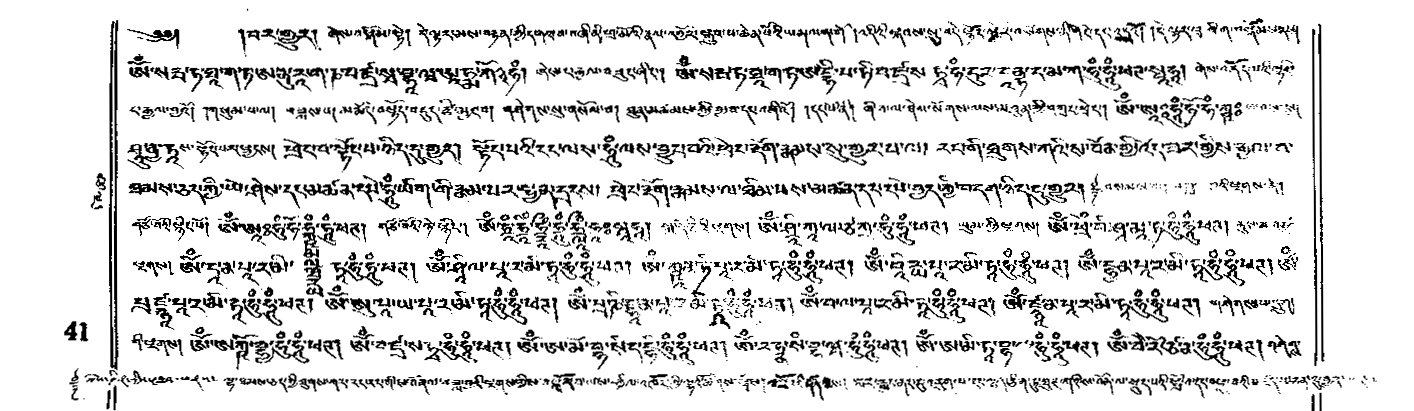༄༅། །བར་གྱུར། ཞེས་བསྒོམ་སྟེ། དེ་ལྟར་མས་བརྟན་ཀྱི་དགའ་བ་བཞི་ནི་ཕྲ་མོའི་རྣལ་འབྱོར་སྒྲུབ་པ་ཆེན་པོའི་ཡན་ལག་གོ །འདིའི་སྐབས་སུ་བདེ་སྟོང་སྦྱོར་བ་སོགས་ནི་གོང་དང་འདྲའོ། །དེ་ལྟར་ཕྲ་ཞིག་བསྒོམས་ནས།
ཨོཾ་སརྦ་ཏ་ཐཱ་ག་ཏ་ཨ་ནུ་རཱ་ག་ཎ་བཛྲ་སྭ་བྷཱ་ཝ་ཨཱཏྨ་ཀོཉཧཾ། ཞེས་པ་རྒྱལ་བཟུང་ཞིང་།  ཨོཾ་སརྦ་ཏ་ཐཱ་ག་ཏ་ཨ་དྷི་པ་ཏི་བཛྲ་སཏྭ་ཧཾ་དུར་དཱམྟ་ད་མ་ཀ་ཧུཾ་ཧཱུཾ་ཕཊ་སྭཱཧཱ། ཞེས་འདོད་པའི་ལྷའི་
ང་རྒྱལ་བྱའོ། །གསུམ་པ་ལ། བཟླས་པ། མཆོད་བསྟོད་བདུད་རྩི་མྱང་བ། གཤེགས་སུ་གསོལ་བ། ཐུན་མཚམས་ཀྱི་བྱ་བ་དང་བཞིའོ། །དང་པོ་ནི། ཞེ་བ་ལ་ཤེ་པ?་སོགས་ལས་མཐུན་གྱི་བགྲང་ཕྲེང་། ཨོཾ་ཨཱཿ ཧཱུཾ་ཧོ་ཧམ་ཀྵཿ ས་བསངས།
ཤཱུ་ནྱ་ཏཱ་ས་སྟོང་པར་སྐྱངས།  ཕྲེང་བ་སྟོང་པ་ཉིད་དུ་གྱུར། སྟོང་པའི་ངང་ལས་ཧཱུཾ་ལས་བྱུང་བའི་ཕྲེང་རྡོག་རྣམས་སུ་གྱུར་པ་ལ། རང་གི་ཐུགས་ཀའི་ས་བོན་གྱི་འོད་ཟར་གྱིས་རྒྱལ་བ་
ཐམས་ཅད་ཀྱི་ཡེ་ཤེས་དང་མཚན་དཔེ་ཧཱུཾ་ཡིག་གི་རྣམ་པར་སྤྱན་དྲངས། ཕྲེང་རྡོག་རྣམས་ལ་ཐིམ་པས་མཚན་དང་དཔེ་བྱད་ཀྱི་བདག་ཉིད་དུ་གྱུར། ༈ བསམས་ལ། བཟླ?་བྱའི་སྔགས་ནི།
གཙོ་བོའི་སྙིང་པོ། ཨོཾ་ཨཱཿ ཧུཾ་ཧོ་ཧྐྵྨླྠྲྱཾ་ཧཱུཾ་ཕཊ། གཙོ་བོའི་ཉེ་སྙིང་།  ཨོཾ་ཧྲཱཾ་ཧྲཱིཾ་ཧྲྲཱྀཾ་ཧྲཱུཾ་ཧྲླཱྀཾ་ཧྲཱཿ སྭཱཧཱ། སྐུ་རྡོ་རྗེའི་སྔགས།  ཨོཾ་ཤྲཱི་ཀཱ་ལ་ཙཀྲ་ཧུཾ་ཧཱུཾ་ཕཊ། ཡུམ་གྱི་སྔགས།  ཨོཾ་ཕྲེཾ་བི་ཤྭ་མཱ་ཏ་ཧུཾ་ཧཱུཾ་ཕཊ། ནུས་མ་བཅུའི་
སྔགས། ཨོཾ་དཱ་ན་པཱ་ར་མི་ཏཱ་ཧུཾ་ཧཱུཾ་ཕཊ། ཨོཾ་ཤཱི་ལ་པཱ་ར་མི་ཏཱ་ཧུཾ་ཧཱུཾ་ཕཊ། ཨོཾ་ཀྵཱན་ཏི་པཱ་ར་མི་ཏཱ་ཧུཾ་ཧཱུཾ་ཕཊ། ཨོཾ་བཱིརྱ་པཱ་ར་མི་ཏཱ་ཧུཾ་ཧཱུཾ་ཕཊ། ཨོཾ་དྷྱན་པཱ་ར་མི་ཏཱ་ཧུཾ་ཧཱུཾ་ཕཊ། ཨོཾ་
པྲཛྙཱ་པཱ་ར་མི་ཏཱ་ཧུཾ་ཧཱུཾ་ཕཊ། ཨོཾ་ཨུ་པཱ་ཡ་པཱ་ར་མི་ཏཱ་ཧུཾ་ཧཱུཾ་ཕཊ། ཨོཾ་པྲ་ཎི་དྷཱ་ན་པཱ་ར་མི་ཏཱ་ཧུཾ་ཧཱུཾ་ཕཊ། ཨོཾ་བ་ལ་པཱ་ར་མི་ཏཱ་ཧུཾ་ཧཱུཾ་ཕཊ། ཨོཾ་ཛྙཱ་ན་པཱ་ར་མི་ཏཱ་ཧུཾ་ཧཱུཾ་ཕཊ། གཤེགས་པ་དྲུག།
གི་སྔགས། ཨོཾ་ཨཀྵོ་བྷྱ་ཧུཾ་ཧཱུཾ་ཕཊ། ཨོཾ་བཛྲ་སཏྭ་ཧུཾ་ཧཱུཾ་ཕཊ། ཨོཾ་ཨ་མོ་གྷ་སིད་དྷི་ཧུཾ་ཧཱུཾ་ཕཊ། ཨོཾ་རཏྣ་སཾ་བྷ་ཝ་ཧུཾ་ཧཱུཾ་ཕཊ། ཨོཾ་ཨ་མི་ཏཱ་བྷ་ཝ?་ཧུཾ་ཧཱུཾ་ཕཊ། ཨོཾ་བཻ་རོ་ཙ་ན་ཧུཾ་ཧཱུཾ་ཕཊ། གཤེགས་
༈ ཆོས་བྱིན་གྱིས་བླ་མ་ནས། ལྷ་ཐམས་ཅད་ཀྱི་ཐུགས་ཀར་རང་རང་གི་ས་བོན་ལ་བཟླ་བྱའི་སྔགས་ཀྱིས་བསྐོར་བ་ལས་དཀྱིལ་འཁོར་གྱི་ལྷའི་ཚོགས་སྤྲོས?་འགྲོ་བའི་དོན་བས?། སླར་རླུང་ནང་དུ་འཇུག་པ་དང་ལྷན་ཅིག་ཏུ་ཐུགས་ཀའི་ས་བོན་ལ་སྡུད་པའི་སྤྲོ་བ?་དང་བསྡུ་བའི་མཛད་པ་ཅན་དུ་གྱུར་པར་